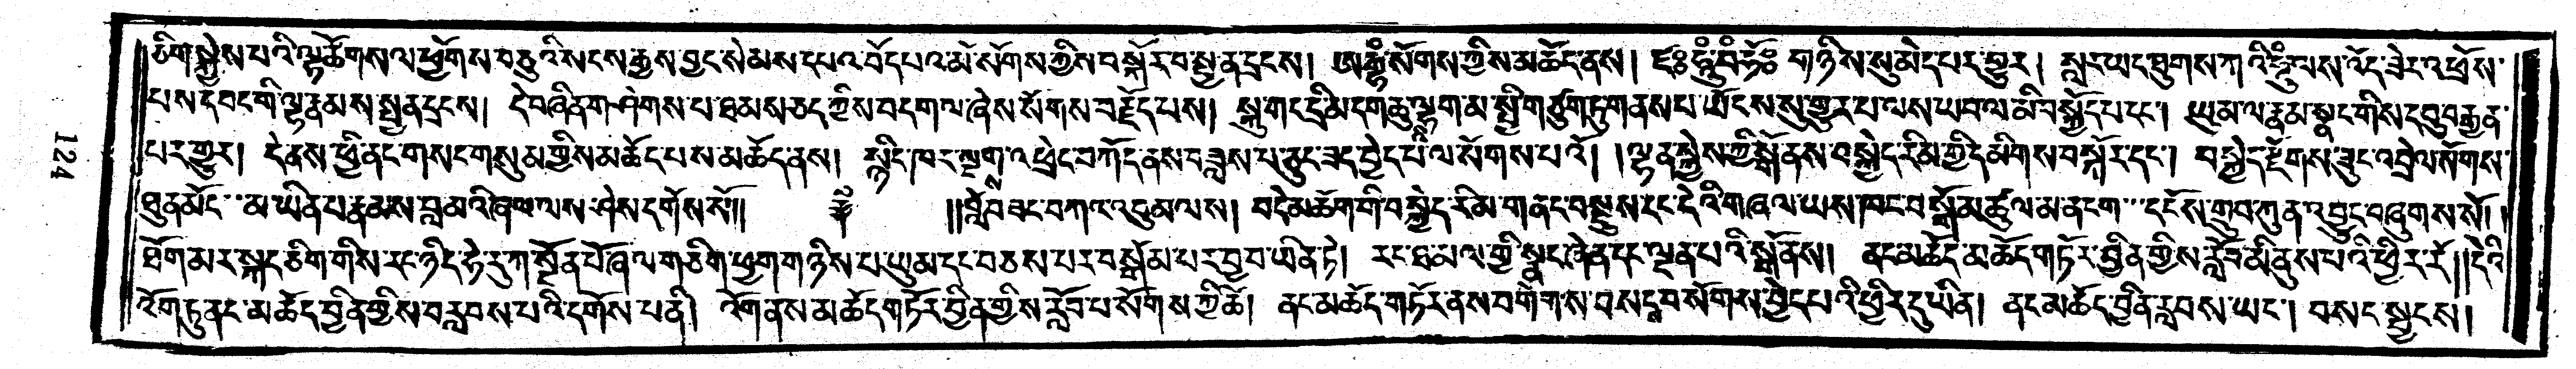ཅིག་སྐྱེས་པའི་ལྷ་ཚོགས་ལ་ཕྱོགས་བཅུའི་སངས་རྒྱས་བྱང་སེམས་དཔའ་བོ་དཔའ་མོ་སོགས་ཀྱིས་བསྐོར་བ་སྤྱན་དྲངས། ཨརྒྷཾ་སོགས་ཀྱིས་མཆོད་ནས། ཛཿ ཧཱུཾ་བཾ་ཧོཿ གཉིས་སུ་མེད་པར་གྱུར། སླར་ཡང་ཐུགས་ཀའི་ཧཱུཾ་ལས་འོད་ཟེར་འཕྲོས་
པས་དབང་གི་ལྷ་རྣམས་སྤྱན་དྲངས། དེ་བཞིན་གཤེགས་པ་ཐམས་ཅད་ཀྱིས་བདག་ལ་ཞེས་སོགས་བརྗོད་པས། སྐུ་གང་དྲི་མདག་ཆུ་ལྷག་མ་སྤྱི་གཙུག་ཏུ་གནས་པ་ཡོངས་སུ་གྱུར་པ་ལས་ཡབ་ལ་མི་བསྐྱོད་པ་དང་། ཡུམ་ལ་རྣམ་སྣང་གིས་དབུ་བརྒྱན་
པར་གྱུར། དེ་ནས་ཕྱི་ནང་གསང་གསུམ་གྱིས་མཆོད་པས་མཆོད་ནས། སྙིང་ཁར་སྔགས་འཕྲེང་བཀོད་ནས་བཟླས་པ་ཅུང་ཟད་བྱེད་པ་ལ་སོགས་པའོ། །ལྷན་སྐྱེས་ཀྱི་སྒོ་ནས་བསྐྱེད་རིམ་གྱི་དམིགས་བསྐོར་དང་། བསྐྱེད་རྫོགས་ཟུང་འབྲེལ་སོགས་
ཐུན་མོང་མ་ཡིན་པ་རྣམས་བླ་མའི་ཞལ་ལས་ཤེས་དགོས་སོ།། ༈ །།བློ་བཟང་བཀའ་འབུམ་ལས། བདེ་མཆོག་གི་བསྐྱེད་རིམ་གནང་བསྡུས་དང་དེའི་གཞལ་ཡས་ཁང་བསྒོ་མཚུལ་མ་ནང་ག་དངོས་གྲུབ་ཀུན་འབྱུང་བཞུགས་སོ། །
ཐོག་མར་སྐད་ཅིག་གིས་རང་ཉིད་ཧེ་རུ་ཀ་སྔོན་པོ་ཞལ་གཅིག་ཕྱག་གཉིས་པ་ཡུམ་དང་བཅས་པར་བསྒོམ་པར་བྱ་བ་ཡིན་ཏེ། རང་ཐ་མལ་གྱི་སྣང་ཞེན་དང་ལྡན་པའི་སྒོ་ནས། ནང་མཆོད་མཆོད་གཏོར་བྱིན་གྱིས་རློབ་མི་ནུས་པའི་ཕྱིར་རོ། །དེའི་
འོག་ཏུ་ནང་མཆོད་བྱིན་གྱིས་བརླབས་པའི་དགོས་པ་ནི། འོག་ནས་མཆོད་གཏོར་བྱིན་གྱིས་རློབ་པ་སོགས་ཀྱི་ཚེ། ནང་མཆོད་གཏོར་ནས་བགེགས་བསངས་བ་སོགས་བྱེད་པའི་ཕྱིར་དུ་ཡིན། ནང་མཆོད་བྱིན་རླབས་ཡང་། བསང་སྦྱངས།